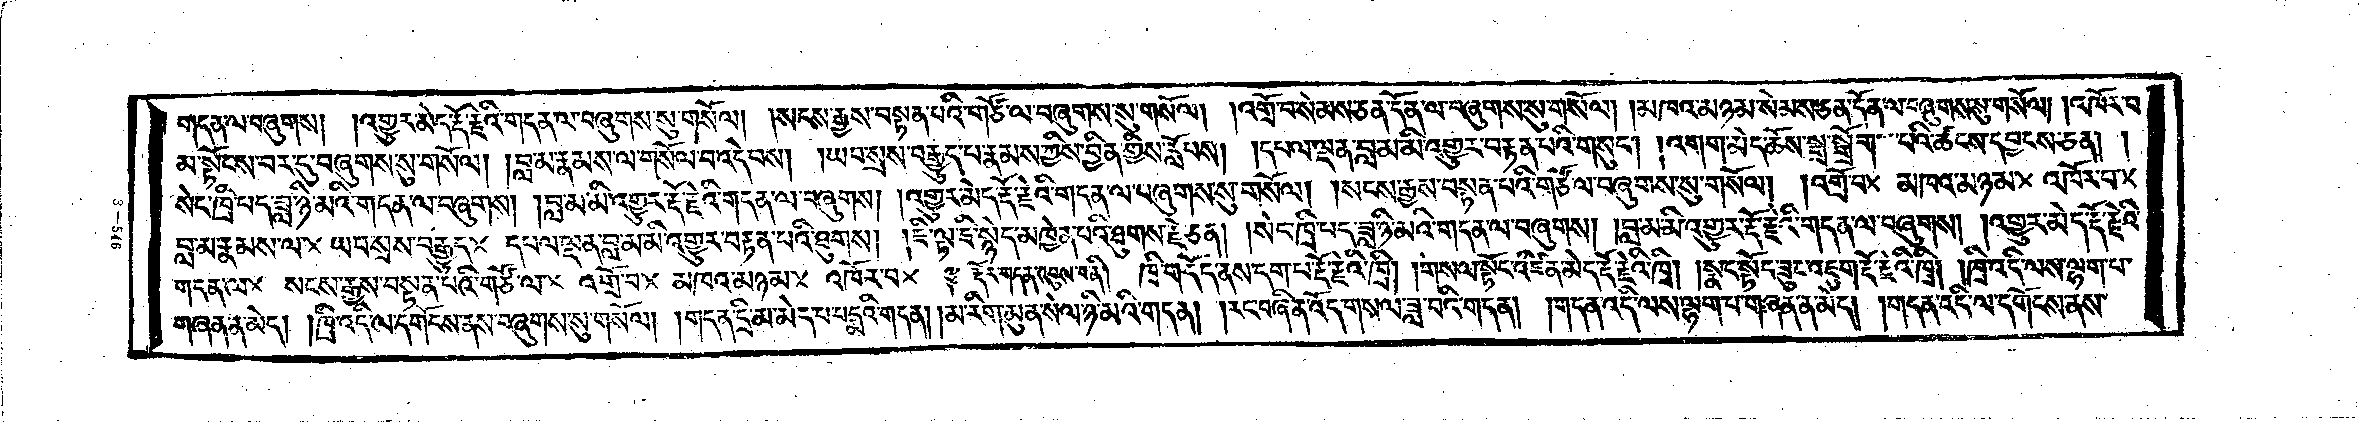གདན་ལ་བཞུགས། །འགྱུར་མེད་རྡོ་རྗེའི་གདན་ལ་བཞུགས་སུ་གསོལ། །སངས་རྒྱས་བསྟན་པའི་གཙོ་ལ་བཞུགས་སུ་གསོལ། །འགྲོ་བ་སེམས་ཅན་དོན་ལ་བཞུགས་སུ་གསོལ། །མཁའ་མཉམ་སེམས་ཅན་དོན་ལ་བཞུགས་སུ་གསོལ། །འཁོར་བ་
མ་སྟོངས་པར་དུ་བཞུགས་སུ་གསོལ། །བླ་མ་རྣམས་ལ་གསོལ་བ་འདེབས། །ཡབ་སྲས་བརྒྱུད་པ་རྣམས་ཀྱིས་བྱིན་གྱིས་རློབས། །དཔལ་ལྡན་བླ་མ་མི་འགྱུར་བརྟན་པའི་གསུང་། །འགག་མེད་ཆོས་སྒྲ་སྒྲོག་པའི་ཚངས་དབྱངས་ཅན། །
སེང་ཁྲི་པད་ཟླ་ཉི་མའི་གདན་ལ་བཞུགས། །བླ་མ་མི་འགྱུར་རྡོ་རྗེའི་གདན་ལ་བཞུགས། །འགྱུར་མེད་རྡོ་རྗེའི་གདན་ལ་བཞུགས་སུ་གསོལ། །སངས་རྒྱས་བསྟན་པའི་གཙོ་ལ་བཞུགས་སུ་གསོལ། །འགྲོ་བ་྾་མཁའ་མཉམ་྾་འཁོར་བ་྾་
བླ་མ་རྣམས་ལ་྾་ཡབ་སྲས་བརྒྱུད་྾་དཔལ་ལྡན་བླ་མ་མི་འགྱུར་བརྟན་པའི་ཐུགས། །ཇི་ལྟ་ཇི་སྙེད་མཁྱེན་པའི་ཐུགས་རྗེ་ཅན། །སེང་ཁྲི་པད་ཟླ་ཉི་མའི་གདན་ལ་བཞུགས། །བླ་མ་མི་འགྱུར་རྡོ་རྗེའི་གདན་ལ་བཞུགས། །འགྱུར་མེད་རྡོ་རྗེའི་
གདན་ལ་྾་སངས་རྒྱས་བསྟན་པའི་གཙོ་ལ་྾་འགྲོ་བ་྾་མཁའ་མཉམ་྾་འཁོར་བ་྾་༈ རྡོར་གདན་འབུལ་བ་ནི།  ཁྲི་གདོད་ནས་དག་པ་རྡོ་རྗེའི་ཁྲི། །གསལ་སྟོང་འཛིན་མེད་རྡོ་རྗེའི་ཁྲི། །སྣང་སྟོང་ཟུང་འཇུག་རྡོ་རྗེའི་ཁྲི། །ཁྲི་འདི་ལས་ལྷག་པ་
གཞན་ན་མེད། །ཁྲི་འདི་ལ་དགོངས་ནས་བཞུགས་སུ་གསོལ། །གདན་དྲི་མ་མེད་པ་པདམའི་གདན། །མ་རིག་མུན་སེལ་ཉི་མའི་གདན། །རང་བཞིན་འོད་གསལ་ཟླ་བའི་གདན། །གདན་འདི་ལས་ལྷག་པ་གཞན་ན་མེད། །གདན་འདི་ལ་དགོངས་ནས་